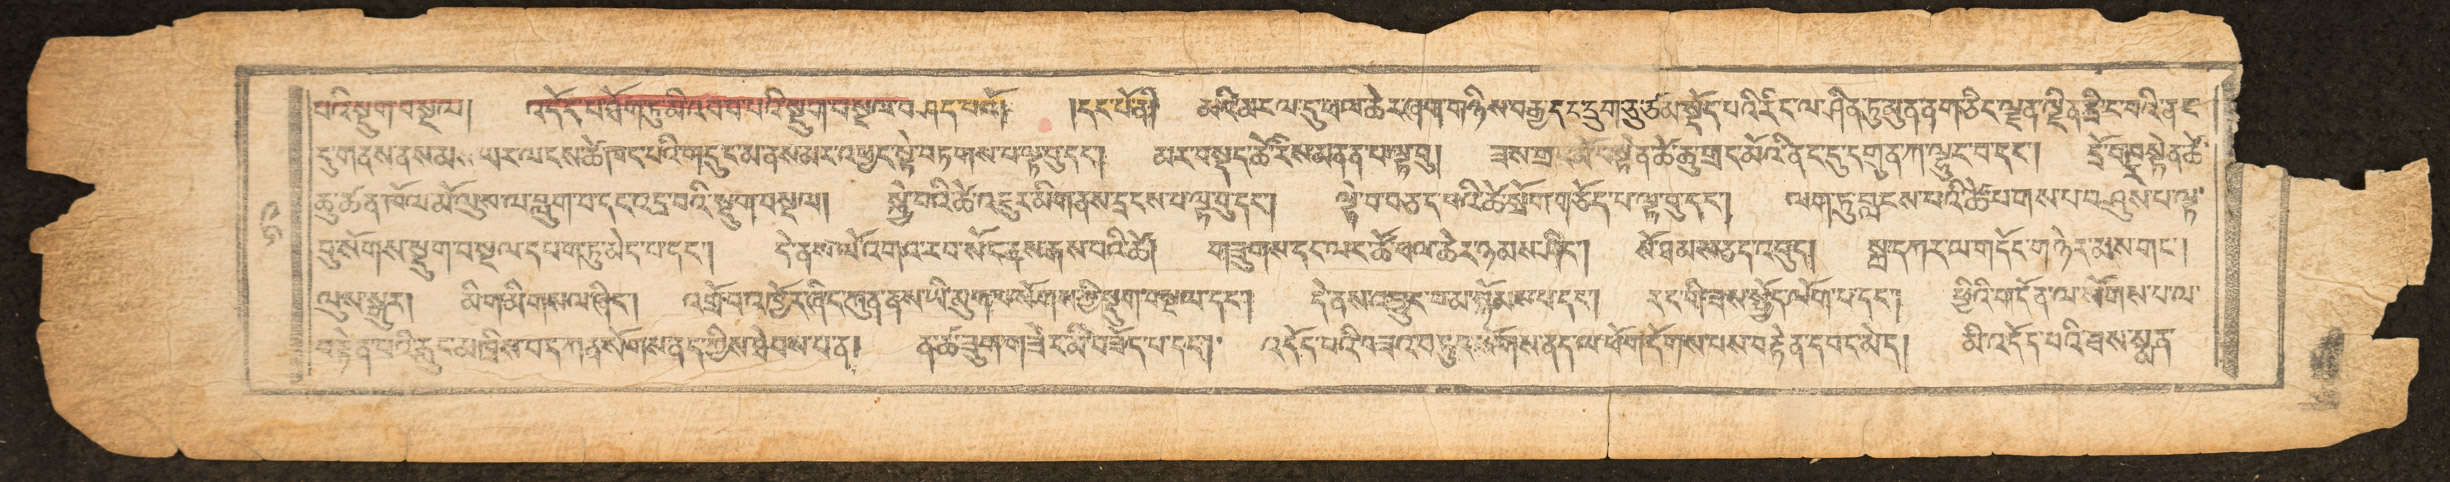བའི་སྡུག་བསྔལ། འདོད་བཟློག་སུ་མི་འབབ་པའི་སྡུག་བསྔལ་བཤག་པའོ། །དང་པོ་ནི། མའི་མ?་དུ་ཕལ་ཆེར་ཞག་གཉིས་བརྒྱ་དང་དྲུག་ཅུ་ཙམ་སྡོད་པའི་??་བ་ཤིན་ཏུ་ཨུན?་ནག་ཅིང་??
དུ་གནས་ནས་??་ཡང་ལངས་ཚེ་ཁང་པའི་གདུང་མ་ནས་མར་འཕྱང་སྟེ་བཏགས་པ་ལྟ་བུ་དང་། མར་བསྡང་ཚེ་རིས་མནན་པ་ལྟ་བུ། ཟས་གྲང་མོ་བསྟེན་ཚེ་ཆུ་གྲང་མོའི་ནང་དུ་དགྲུ་ན་ཀ་ལྷུང་བ་དང་། དྲོ་བ་བསྟེན་ཚེ་
ཆུ་ཚན་ཁོལ་མོ་ལུས་ལ་བླུག་པ་དང་འདྲ་བའི་སྡུག་བསྔལ། སྐྱེ་བའི་ཚེ་འཇུར?་མིག་ནས་དྲངས་པ་ལྟ་བུ་དང་། ལྟེ་བ་བཅད་པའི་ཚེ་སྲོག་གཅོད་པ་ལྟ་བུ་དང་། ལག་ཏུ་བླངས་པའི་ཚེ་པགས་པ་བཤུས་པ་ལྟ་
བུ་སོགས་སྡུག་བསྔལ་དཔག་ཏུ་མེད་པ་དང་། དེ་ནས་ལོ་འགའ་རབ་སོང་ནས་རྒས་པའི་ཚེ། གཟུགས་དང་ལང་ཚོ་ཕལ་ཆེར་ཉམས་ཤིང་། སོ་ཐམས་ཅད་འབུད། སྐྲ་དཀར་ལ་གདོང་གཉེར་མས་གང་།
ལུས་སྐུར།?  མིག་?་གསལ་?། འགྲོ་བ་འཁྱེར་ཞིང་ཀུན་ནས་ཡི་མུག་པ་སོགས་ཀྱི་སྡུག་བསྔལ་དང་། དེ་ནས་འབྱུང་བ་མ་སྙོམས་པ་དང་། རང་གི་ཟས་སྤྱོད་ལོག་པ་དང་། ཕྱིའི་གདོན་ལ་སོགས་པ་ལ་
?་སོགས་པ་ནད་གྱིས་ཐེབས་པ་ན། ན་ཚ་ཟུག་གཟེར?་མི་བཟོད་པ་དང་། འདོད་པའི་བཟའ་བཅུང?་སོགས་ནད་ལ་ཕོག་དོགས་སམ་བརྟེན་དབང་མེད། མི་འདོད་པའི་ཟས་སྨན་